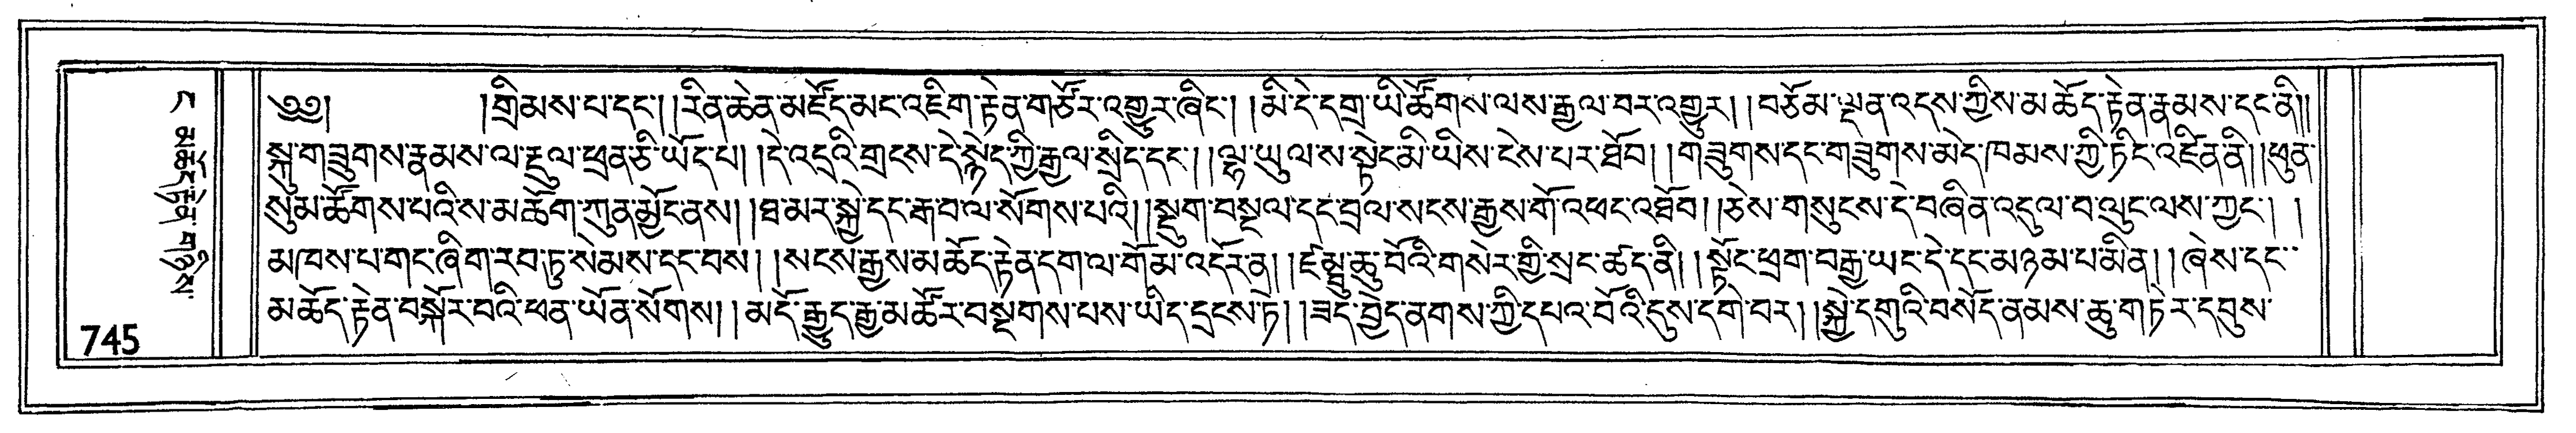༄༅། །གྲིམས་པ་དང་། །རིན་ཆེན་མཛོད་མང་འཇིག་རྟེན་གཙོར་འགྱུར་ཞིང་། །མི་དེ་དགྲ་ཡི་ཚོགས་ལས་རྒྱལ་བར་འགྱུར། །བཅོམ་ལྡན་འདས་ཀྱིས་མཆོད་རྟེན་རྣམས་དང་ནི། །
སྐུ་གཟུགས་རྣམས་ལ་རྡུལ་ཕྲན་ཅི་ཡོད་པ། །དེ་འདྲའི་གྲངས་དེ་སྙེད་ཀྱི་རྒྱལ་སྲིད་དང་། །ལྷ་ཡུལ་ས་སྟེང་མི་ཡིས་ངེས་པར་ཐོབ། །གཟུགས་དང་གཟུགས་མེད་ཁམས་ཀྱི་ཏིང་འཛིན་ནི། །ཕུན་
སུམ་ཚོགས་པའི་ས་མཆོག་ཀུན་མྱོང་ནས། །ཐ་མར་སྐྱེ་དང་རྒ་བ་ལ་སོགས་པའི། །སྡུག་བསྔལ་དང་བྲལ་སངས་རྒྱས་གོ་འཕང་འཐོབ། །ཅེས་གསུངས་དེ་བཞིན་འདུལ་བ་ལུང་ལས་ཀྱང་། །
མཁས་པ་གང་ཞིག་རབ་ཏུ་སེམས་དང་བས། །སངས་རྒྱས་མཆོད་རྟེན་དག་ལ་གོམ་འདོར་ན། །ཛམྦུ་ཆུ་བོའི་གསེར་གྱི་སྲང་ཚད་ནི། །སྟོང་ཕྲག་བརྒྱ་ཡང་དེ་དང་མཉམ་པ་མིན། །ཞེས་དང་
མཆོད་རྟེན་བསྐོར་བའི་ཕན་ཡོན་སོགས། །མདོ་རྒྱུད་རྒྱ་མཚོར་བསྔགས་པས་ཡིད་དྲངས་ཏེ། །ཟད་བྱེད་ནགས་ཀྱི་དཔའ་བོའི་དུས་དགེ་བར། །སྐྱེ་དགུའི་བསོད་ནམས་ཆུ་གཏེར་དབུས་